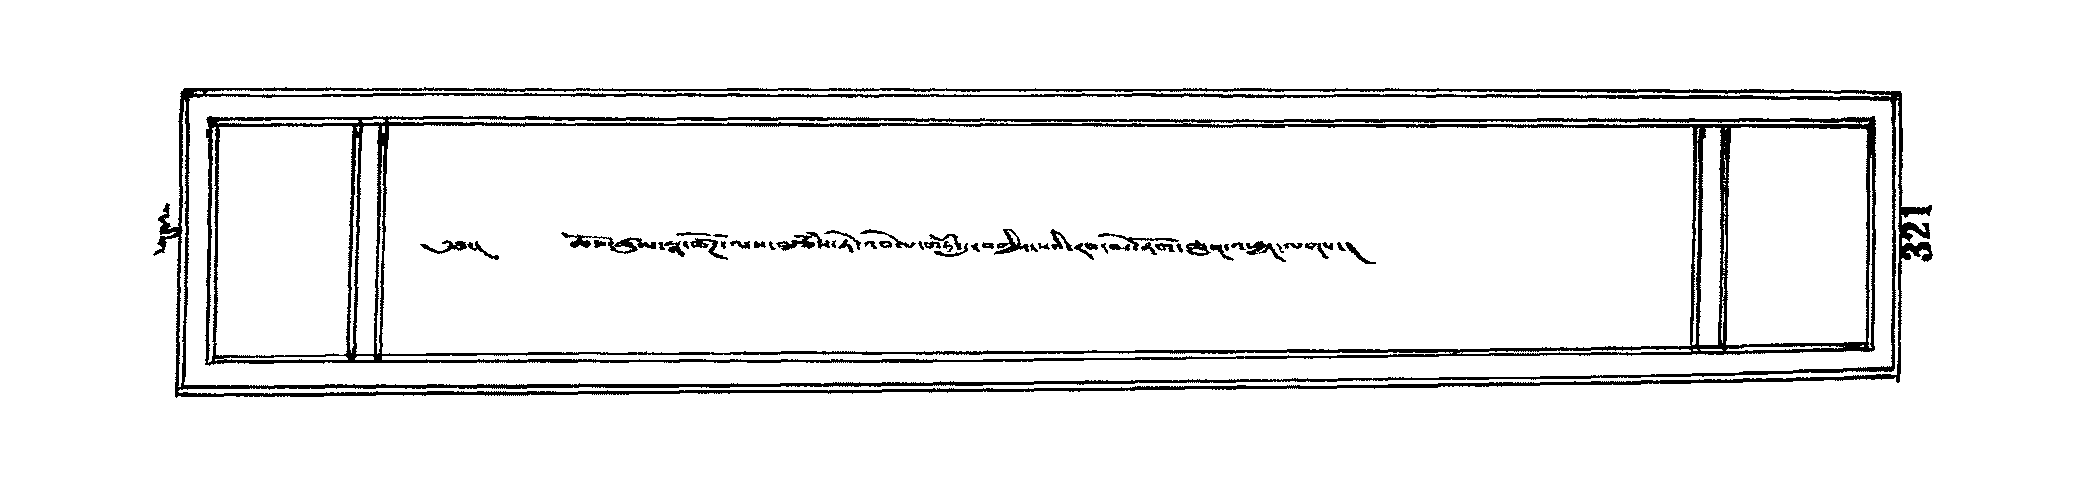༄༅། ཆོས་ཚུལ་སྣ་ཚོགས་ལས་བརྩམས་ཏེ་འབེལ་གཏམ་དུ་བགྱིས་པའི་རབས་མེ་ཏོག་ཆུན་འཕྱང་ལགས།